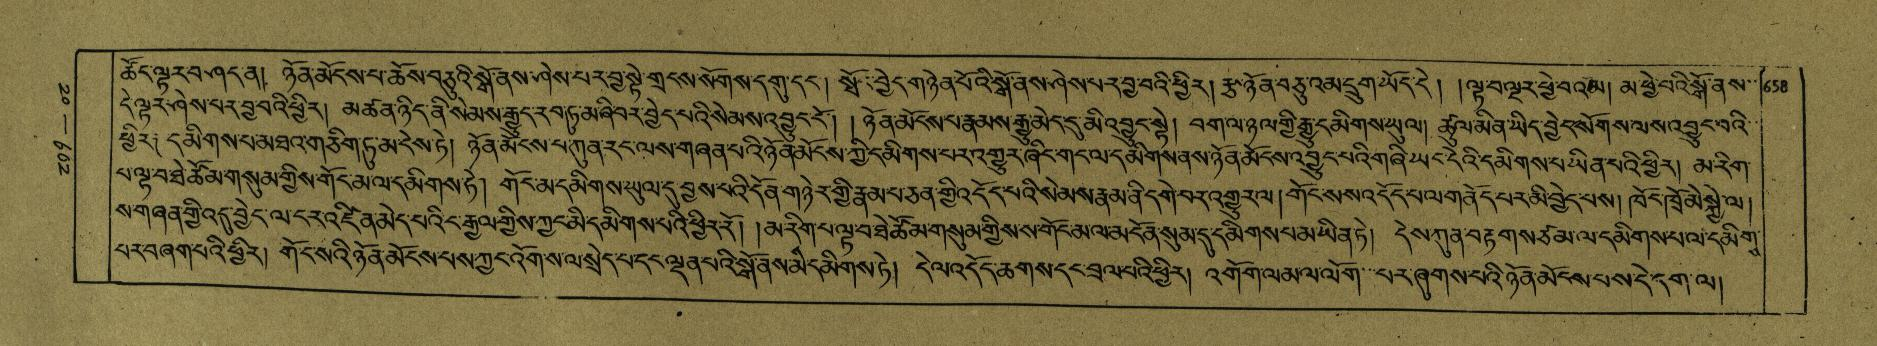ཚོང་ལྟར་བཤད་ན། ཉོན་མོངས་པ་ཆོས་བཅུའི་སྒོ་ནས་ཤེས་པར་བྱ་སྟེ་གྲངས་སོགས་དགུ་དང་། སྤོང་བྱེད་གཉེན་པོའི་སྒོ་ནས་ཤེས་པར་བྱ་བའི་ཕྱིར། རྩ་ཉོན་བཅུ་འམ་དྲུག་ཡོད་དེ། །ལྟ་བ་ལྔར་ཕྱེ་བའམ། མ་ཕྱེ་བའི་སྒོ་ནས་
དེ་ལྟར་ཤེས་པར་བྱ་བའི་ཕྱིར། མཚན་ཉིད་ནི་སེམས་རྒྱུད་རབ་ཏུ་མ་ཞི་བར་བྱེད་པའི་སེམས་འབྱུང་ངོ། །ཉོན་མོངས་པ་རྣམས་རྒྱུ་མེད་དུ་མི་འབྱུང་སྟེ། བག་ལ་ཉལ་གྱི་རྒྱུད་དམིགས་ཡུལ། ཚུལ་མིན་ཡིད་བྱེད་སོགས་ལས་འབྱུང་བའི་
ཕྱིར༑ དམིགས་པ་མཐའ་གཅིག་ཏུ་མ་ངེས་ཏེ། ཉོན་མོངས་པ་ཀུན་རང་ལས་གཞན་པའི་ཉོན་མོངས་ཀྱི་དམིགས་པར་འགྱུར་ཞིང་གང་ལ་དམིགས་ནས་ཉོན་མོངས་འབྱུང་པའི་གཞི་ཡང་དེའི་དམིགས་པ་ཡིན་པའི་ཕྱིར། མ་རིག་
པ་ལྟ་བ་ཐེ་ཚོམ་གསུམ་གྱིས་གོང་མ་ལ་དམིགས་ཏེ། གོང་མ་དམིགས་ཡུལ་དུ་བྱས་པའི་དོན་གཉེར་གྱི་རྣམ་པ་ཅན་གྱི་འདོད་པའི་སེམས་རྣམ་ནི་དགེ་བར་འགྱུར་ལ། གོང་སས་འདོད་པ་ལ་གནོད་པར་མི་བྱེད་པས། ཁོང་ཁྲོ་མེ་སྐྱེ་ལ།
ས་གཞན་གྱི་འདུ་བྱེད་ལ་ངར་འཛིན་མེད་པའི་ང་རྒྱལ་གྱིས་ཀྱང་མི་དམིགས་པའི་ཕྱིར་རོ། །མ་རིག་པ་ལྟ་བ་ཐེ་ཚོམ་གསུམ་གྱིས་ས་གོང་མ་ལ་མངོན་སུམ་དུ་དམིགས་པ་མ་ཡིན་ཏེ། དེས་ཀུན་བརྟགས་ཙམ་ལ་དམིགས་པ་ལ་དམིགས་
པར་བཞག་པའི་ཕྱིར། གོང་སའི་ཉོན་མོངས་པས་ཀྱང་འོག་ས་ལ་སྲེད་པ་དང་ལྡན་པའི་སྒོ་ནས་མི་དམིགས་ཏེ། དེ་ལ་འདོད་ཆགས་དང་བྲལ་པའི་ཕྱིར། འགོག་ལམ་ལ་ལོག་པར་ཞུགས་པའི་ཉོན་མོངས་པས་དེ་དག་ལ།